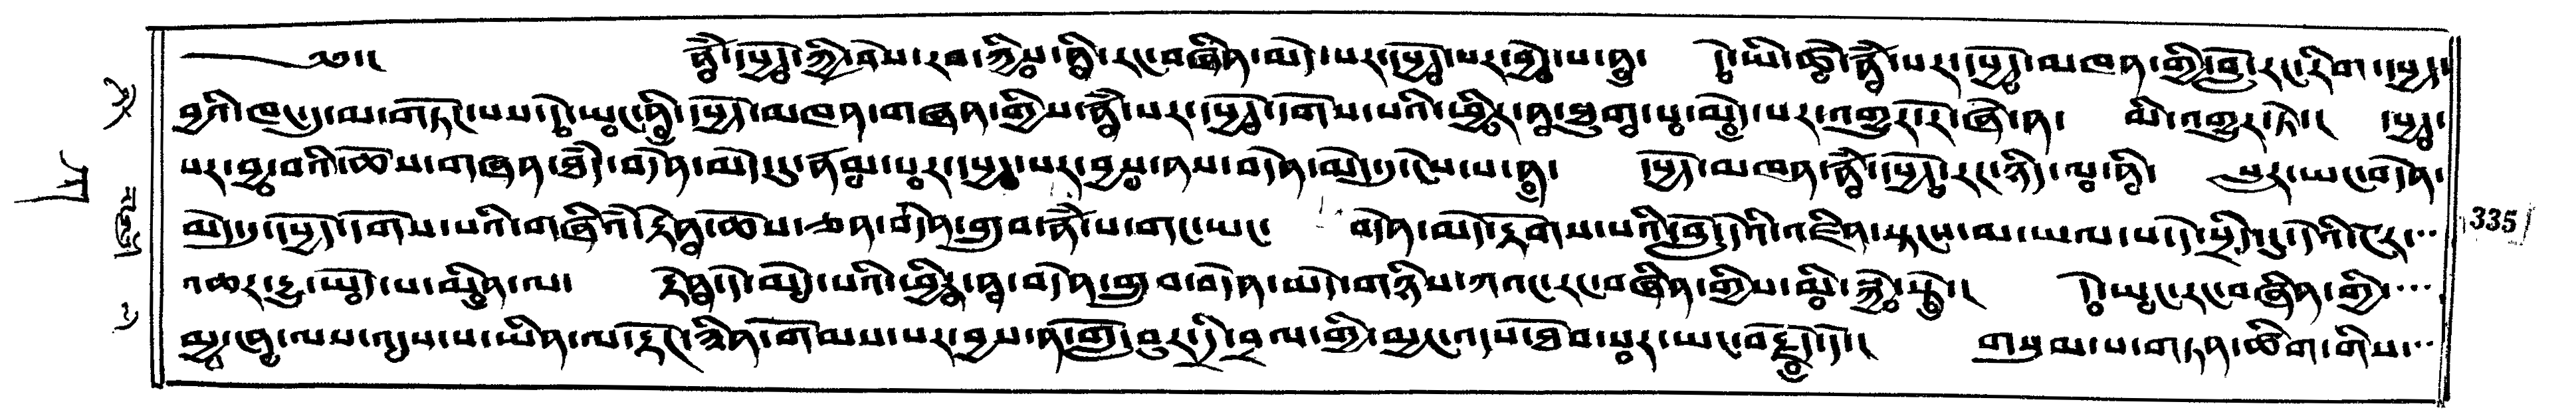རྣམ་དཔྱོད་ཀྱི་ཤེས་རབ་ཀྱིས་ནི་རང་བཞིན་མེད་པར་དཔྱོད་པར་བྱེད་པ་ན། དེ་ཡི་ཚེ་རྣམ་པར་དཔྱོད་མཁན་གྱི་བློ་རང་རིག་དཔྱད་
བྱའི་ཁོངས་སུ་མ་གཏོགས་པས་དེ་ཡང་ནི་དཔྱོད་མཁན་གཞན་གྱིས་རྣམ་པར་དཔྱོད་དགོས་པའི་ཕྱིར་ན་ཐུག་པ་མེད་པར་འགྱུར་རོ་ཞེ་ན། མི་འགྱུར་ཏེ། དཔྱད་
པར་བྱ་བའི་ཆོས་གཞན་ཐམས་ཅད་བདེན་མེད་དུ་རྣམ་པར་དཔྱད་པར་བྱས་ནས་བདེན་མེད་དུ་ངེས་པ་ན། དཔྱོད་མཁན་རྣམ་དཔྱོད་རང་ཉིད་ལ་ནི་ སླར་ཡང་བདེན་
མེད་དུ་དཔྱོད་དགོས་པའི་གཞིའམ་རྟེན་ཆོས་ཅན་བདེན་གྲུབ་ཀྱི་རྣམ་པ་གང་ཡང་བདེན་མེད་རྟོགས་པའི་བློ་དེའི་འཛིན་སྟངས་མ་ཡལ་པ་དེ་སྲིད་དུ་དེའི་ངོར་
འཆར་རྒྱུ་ཡོད་པ་མིན་ལ། རྟེན་དེ་མེད་པའི་ཕྱིར་ན་བདེན་གྲུབ་བདེན་མེད་གཉིས་ཀའང་རང་བཞིན་གྱིས་མི་སྐྱེ་སྟེ།དེ་ཡང་རང་བཞིན་གྱི་
མྱ་ངན་ལས་འདས་པ་ཡིན་ལ་རྟོགས་ཟིན་གོམས་པར་བྱས་ན་གློ་བུར་དྲི་བྲལ་གྱི་མྱང་འདས་འཐོབ་པར་ཡང་བརྗོད་དོ།། གསུམ་པ་གཏན་ཚིགས་ཀྱིས་